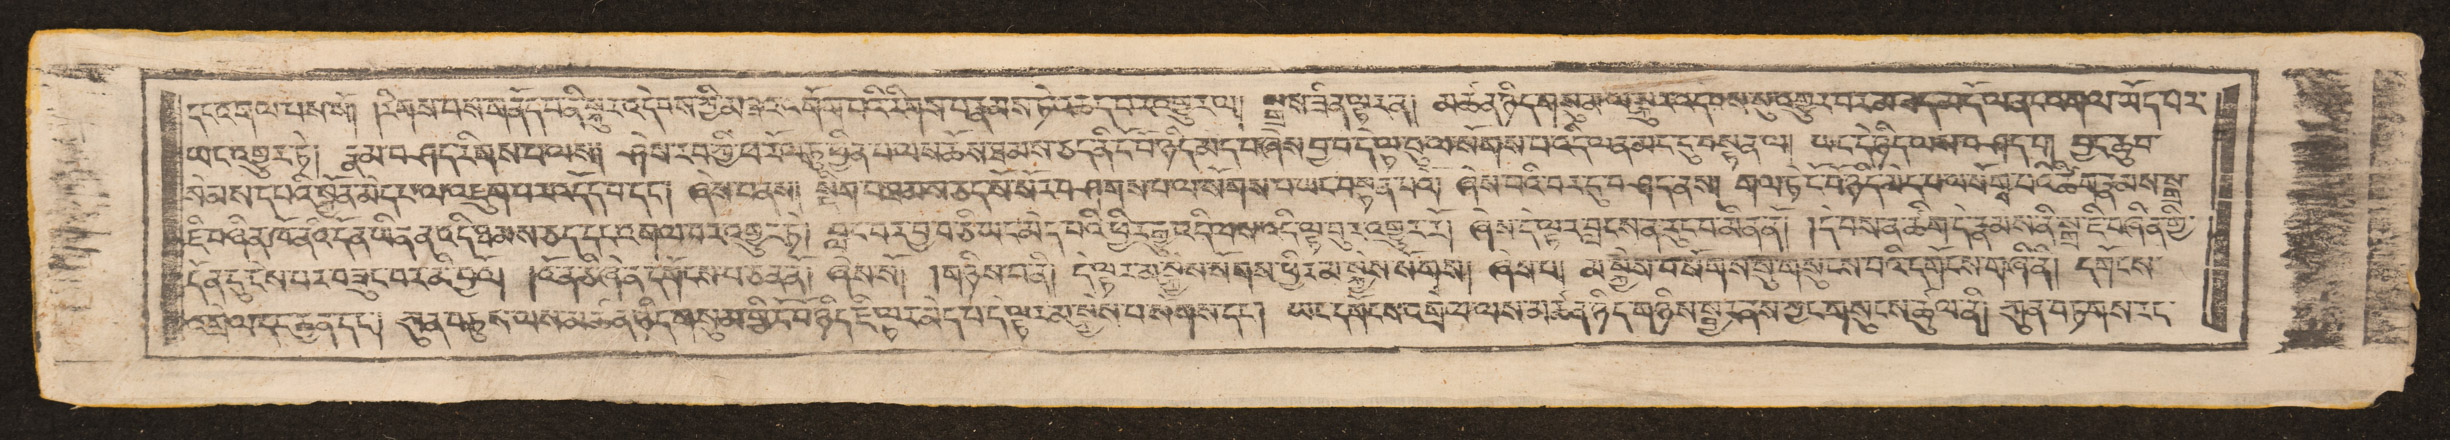དང་འགལ་པས་སོ། །རིགས་པས་གནོད་པ་ནི་སྐུར་འདེབས་ཀྱི་མཐའ་འགོག་པའི་རིགས་པ་རྣམས་ཏེ་འཆད་པར་འགྱུར་ལ། སྒྲས་ཟིན་ལྷར་ན། མཚན་ཉིད་གསུམ་ལ་སྐུར་འདེབས་སུ་འགྱུར་བར་མ་ཟད་མདོ་ལ་ནང་འགལ་ཡོད་པར་
ཡང་འགྱུར་ཏེ། རྣམ་བཤད་རིགས་པ་ལས། ཤེས་རབ་ཀྱི་ཕ་རོལ་ཏུ་ཕྱིན་པ་ལས་ཆོས་ཐམས་ཅད་ནི་ངོ་བོ་ཉིད་མེད་པ་ཞེས་བྱ་བ་དེ་ལྟ་བུ་ལ་སོགས་པ་འདི་ལན་མང་དུ་བསྟན་ལ། ཡང་དེ་ཉིད་ལས་བཤད་པ། བྱང་ཆུབ་
སེམས་དཔའི་སྐྱོན་མེད་པ་ལ་འཇུག་པར་འདོད་པ་དང་། ཞེས་པ་ནས། སྡིག་པ་ཐམས་ཅད་སོ་སོར་བཤགས་པ་ལ་སོགས་པ་ཡང་བསྟན་པའོ། ཞེས་པའི་བར་དུ་བཤད་ནས། གལ་ཏེ་ངོ་བོ་ཉིད་མེད་པ་ལ་སོགས་པའི་ཚིག་རྣམས་སྒྲ་
ཇི་བཞིན་ཁོ་ནའི་དོན་ཡིན་ན་འདི་ཐམས་ཅད་དང་འགལ་བར་འགྱུར་ཏེ། བླང་བར་བྱ་བ་ཅི་ཡང་མེད་པའི་ཕྱིར་རྒྱུ་འདི་ལས་འདི་ལྟ་བུར་འགྱུར་རོ། ཞེས་དེ་ལྟར་བླངས་ན་རུང་བ་མིན་ནོ། །དེ་བས་ན་ཚིག་དེ་རྣམས་ནི་སྒྲ་ཇི་བཞིན་གྱི་
དོན་དུ་ངེས་པར་བཟུང་བར་མི་བྱའོ། །འོན་ཅི་ཞེན་དགོངས་པ་ཅན་ནོ། ཞེས་སོ། །གཉིས་པ་ནི། དེ་ལྟར་མ་སྐྱེས་སོགས་ཕྱིར་མ་སྐྱེས་སོགས། ཞེས་པ། མ་སྐྱེས་པ་སོགས་སུ་གསུངས་པའི་དགོངས་གཞི་ནི། དགོངས་
འགྲེལ་དང་རྒྱན་དང་། ཀུན་བཏུས་ལས་མཚན་ཉིད་གསུམ་གྱི་ངོ་བོ་ཉིད་ཇི་ལྟར་མེད་པ་དེ་ལྟར་མ་སྐྱེས་པ་སོགས་དང་། ཡང་དགོངས་འགྲེལ་ལས་མཚན་ཉིད་གཉིས་སྦྱར་ནས་ཀྱང་གསུངས་ཚུལ་ནི། ཀུན་བཏགས་རང་